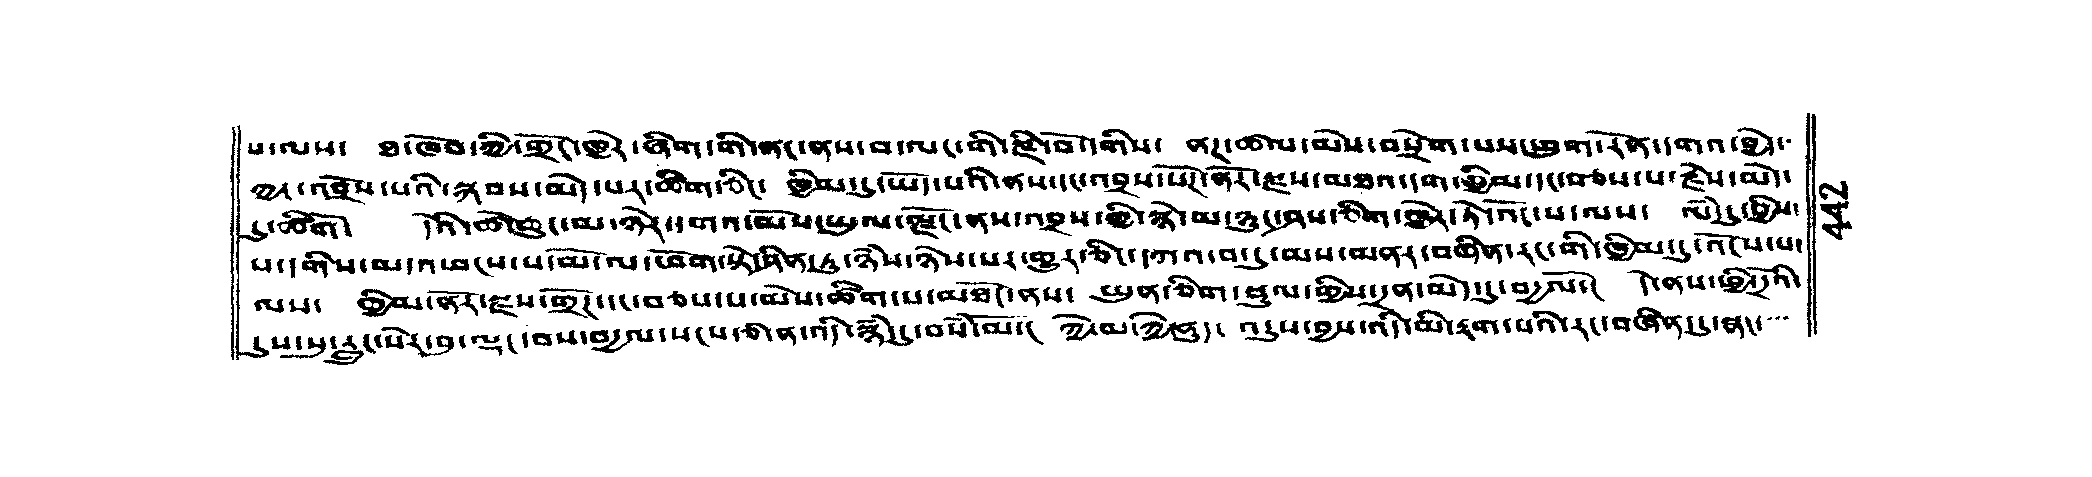པ་ལས། ཐ་ཁོབ་ཀྱི་གྲོང་ཁྱེར་ཞིག་གི་ནང་ནས་བ་ལང་གི་རྫི་བོ་དག་གིས། ནགས་ཚལ་མེས་བསྲེག་པས་ཕུག་རོན་དགའ་བྱེད་
ཀྱང་འབྲོས་པའི་སྐབས་མེད་པར་ཚིག་ཅིང་། ཁྱིམ་དུ་ཡོད་པའི་ནས་དང་འབྲས་སོགས་ནོར་རྫས་མཐའ་དག་ཁྱིམ་དང་བཅས་པ་རྗེས་མེད་
དུ་ཚིག་གོ དེའི་ཚེ་ཆུང་མ་ཉེར་དགའ་མོས་ཡུལ་ལྗོངས་ནས་འབྲས་ཀྱི་སྙེ་མ་ཉུང་ཤས་ཤིག་ཁྱེར་ཏེ་འོང་པ་ལས། ལམ་དུ་བྱིས་
པ་དག་གིས་མདའ་འཕངས་པ་མོ་ལ་ཕོག་སྟེ་ཤིན་ཏུ་ཉམས་ཉེས་པར་གྱུར་ཅིང་དཀའ་བ་དུ་མས་མནར་བཞིན་རང་གི་ཁྱིམ་དུ་འོངས་པ་
ལས། ཁྱིམ་ནོར་རྫས་གྲོགས་དང་བཅས་པ་མེས་ཚིག་པ་མཐོང་ནས། ཡུན་ཅིག་སྡུག་བསྔལ་གྱིས་དྲན་མེད་དུ་བརྒྱལ་ལོ། དེ་ནས་ཕྱི་དྲོའི་
དུས་སུ་རླུང་སེར་བུ་ལྡང་བས་བརྒྱལ་སངས་ཙ་ན་འདི་སྙམ་དུ་བསམ་མོ། ཀྱེ་མ་ཀྱེ་ཧུད། འདུས་བྱས་འདི་མི་རྟག་པའི་རང་བཞིན་དུ་སྣང་